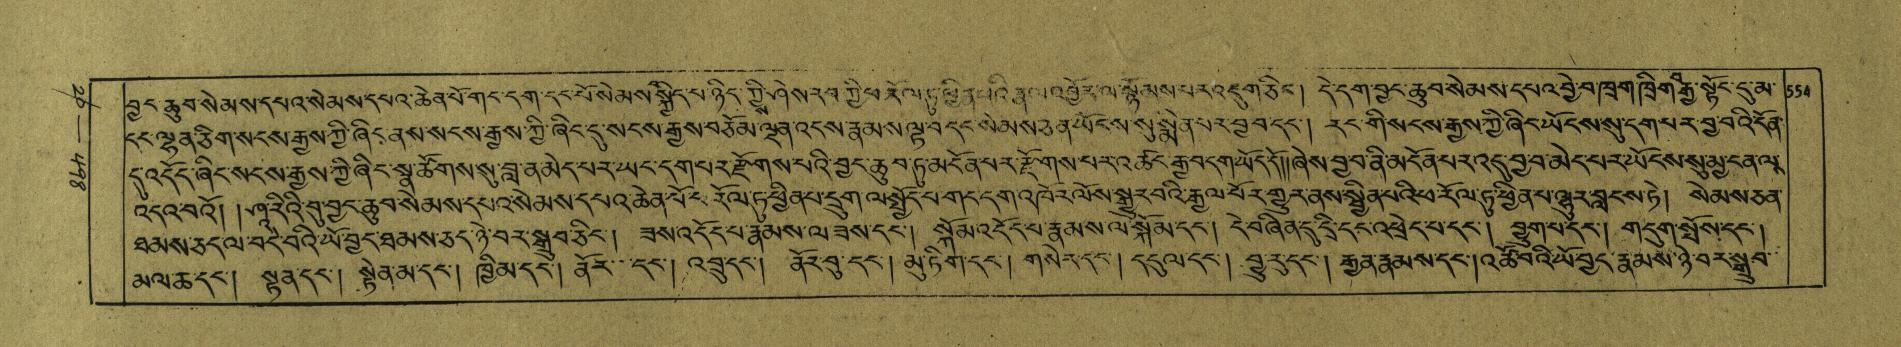བྱང་ཆུབ་སེམས་དཔའ་སེམས་དཔའ་ཆེན་པོ་གང་དག་དང་པོ་སེམས་བསྐྱེད་པ་ཉིད་ཀྱིས་ཤེས་རབ་ཀྱི་ཕ་རོལ་ཏུ་ཕྱིན་པའི་རྣལ་འབྱོར་ལ་སྙོམས་པར་འཇུག་ཅིང་། དེ་དག་བྱང་ཆུབ་སེམས་དཔའ་བྱེ་བ་ཁྲག་ཁྲིག་བརྒྱ་སྟོང་དུ་མ་
དང་ལྷན་ཅིག་སངས་རྒྱས་ཀྱི་ཞིང་ནས་སངས་རྒྱས་ཀྱི་ཞིང་དུ་སངས་རྒྱས་བཅོམ་ལྡན་འདས་རྣམས་ལྟ་བ་དང་སེམས་ཅན་ཡོངས་སུ་སྨིན་པར་བྱ་བ་དང་། རང་གི་སངས་རྒྱས་ཀྱི་ཞིང་ཡོངས་སུ་དག་པར་བྱ་བའི་དོན་
དུ་འདོད་ཞིང་སངས་རྒྱས་ཀྱི་ཞིང་སྣ་ཚོགས་སུ་བླ་ན་མེད་པར་ཡང་དག་པར་རྫོགས་པའི་བྱང་ཆུབ་ཏུ་མངོན་པར་རྫོགས་པར་འཚང་རྒྱ་བ་དག་ཡོད་དོ། །ཞེས་བྱ་བ་ནི་མངོན་པར་འདུ་བྱ་བ་མེད་པར་ཡོངས་སུ་མྱ་ངན་ལས་
འདའ་བའོ། །ཤཱ་རིའི་བུ་བྱང་ཆུབ་སེམས་དཔའ་སེམས་དཔའ་ཆེན་པོ་ཕ་རོལ་ཏུ་ཕྱིན་པ་དྲུག་ལ་སྤྱོད་པ་གང་དག་འཁོར་ལོས་སྒྱུར་བའི་རྒྱལ་པོར་གྱུར་ནས་སྦྱིན་པའི་ཕ་རོལ་ཏུ་ཕྱིན་པ་ལྷུར་བླངས་ཏེ། སེམས་ཅན་
ཐམས་ཅད་ལ་བདེ་བའི་ཡོ་བྱད་ཐམས་ཅད་ཉེ་བར་སྒྲུབ་ཅིང་། ཟས་འདོད་པ་རྣམས་ལ་ཟས་དང་། སྐོམ་འདོད་པ་རྣམས་ལ་སྐོམ་དང་། དེ་བཞིན་དུ་དྲི་དང་འཕྲེད་པ་དང་། བྱུག་པ་དང་། གདུག་སྤོས་དང་།
མལ་ཆ་དང་། སྟན་དང་། སྟེན་མ་དང་། ཁྱིམ་དང་། ནོར་དང་། འབྲུ་དང་། ནོར་བུ་དང་། མུ་ཏིག་དང་། གསེར་དང་། དངུལ་དང་། བྱུ་རུ་དང་། རྒྱན་རྣམས་དང་། འཚོ་བའི་ཡོ་བྱད་རྣམས་ཉེ་བར་སྒྲུབ་